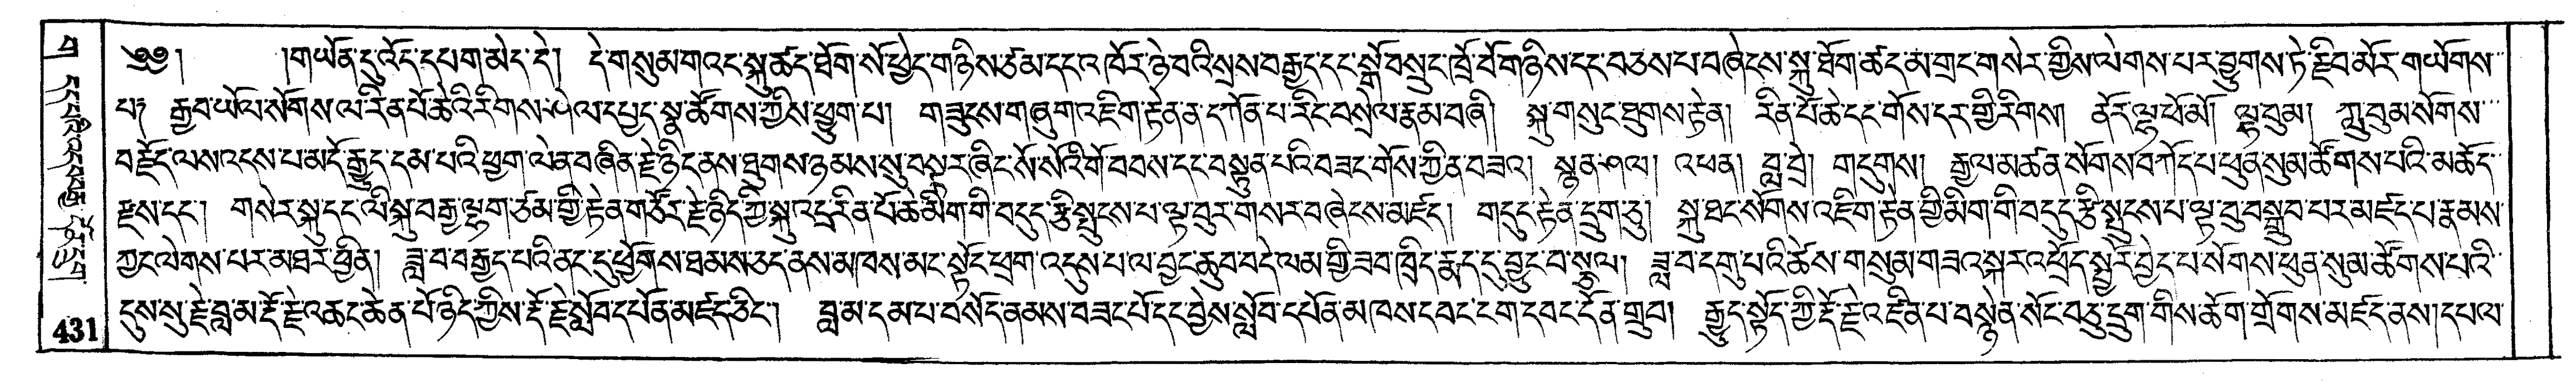༄༅། །གཡོན་དུ་འོད་དཔག་མེད་དེ། དེ་གསུམ་གའང་སྐུ་ཚད་ཐོག་སོ་ཕྱེད་གཉིས་ཙམ་དང་འཁོར་ཉེ་བའི་སྲས་བརྒྱད་དང་སྒོ་བསྲུང་ཁྲོ་བོ་གཉིས་དང་བཅས་པ་བཞེངས་སྐུ་ཐོག་ཚད་མ་གྲང་གསེར་གྱིས་ལེགས་པར་ཕྱུགས་ཏེ་རྗིབ་མོར་གཡོགས་
པ༑ རྒྱབ་ཡོལ་སོགས་ལ་རིན་པོ་ཆེའི་རིགས་ཤེལ་དཔྱད་སྣ་ཚོགས་ཀྱིས་ཕྱུག་པ། གཟུངས་གཞུག་འཇིག་རྟེན་ན་དཀོན་བ་རིང་བསྲེལ་རྣམ་བཞི། སྐུ་གསུང་ཐུགས་རྟེན། རིན་པོ་ཆེ་དང་གོས་དར་གྱི་རིགས། ནོར་ལྷ་ཕོ་མོ། ལྷ་བུམ། ཀླུ་བུམ་སོགས་
བརྗོད་ལས་འདས་པ་མདོ་རྒྱུད་དམ་བའི་ཕྱག་ལེན་བཞིན་རྗེ་ཉིད་ནས་ཐུགས་ཉམས་སུ་བསྟར་ཞིང་སོ་སོའི་གོ་བབས་དང་བསྟུན་པའི་བཟང་གོས་ཀྱི་ན་བཟའ། སྙན་ཤལ། འཕན། བླ་བྲེ། གདུགས། རྒྱལ་མཚན་སོགས་བཀོད་པ་ཕུན་སུམ་ཚོགས་བའི་མཆོད་
རྫས་དང་། གསེར་སྐུ་དང་ལི་སྐུ་བརྒྱ་ལྷག་ཙམ་གྱི་རྟེན་གཙོར་རྗེ་ཉིད་ཀྱི་སྐུ་འདྲ་རིན་པོ་ཆེ་མིག་གི་བདུད་རྩི་སྤུངས་པ་ལྟ་བུར་གསར་བཞེངས་མཛད། གདུང་རྟེན་དྲུག་ཅུ། སྐུ་ཐང་སོགས་འཇིག་རྟེན་གྱི་མིག་གི་བདུད་རྩི་སྤུངས་པ་ལྟ་བུ་བསྒྲུབ་པར་མཛད་པ་རྣམས་
ཀྱང་ལེགས་པར་མཐར་ཕྱིན། ཟླ་བ་བརྒྱད་པའི་ནང་དུ་ཕྱོགས་ཐམས་ཅད་ནས་མཁས་མང་སྟོང་ཕྲག་འདུས་པ་ལ་བྱང་ཆུབ་བདེ་ལམ་གྱི་ཟབ་ཁྲིད་རྨད་དུ་བྱུང་བ་སྩལ། ཟླ་བ་དགུ་པའི་ཚེས་གསུམ་གཟའ་སྐར་འཕྲོད་སྦྱོར་བྱེད་པ་སོགས་ཕུན་སུམ་ཚོགས་པའི་
དུས་སུ་རྗེ་བླ་མ་རྡོ་རྗེ་འཆང་ཆེན་པོ་ཉིད་ཀྱིས་རྡོ་རྗེ་སློབ་དཔོན་མཛད་ཅིང་། བླ་མ་དམ་པ་བསོད་ནམས་བཟང་པོ་དང་བྱེས་སློབ་དཔོན་མཁས་དབང་ངག་དབང་དོན་གྲུབ། རྒྱུད་སྟོད་ཀྱི་རྡོ་རྗེ་འཛིན་པ་བསྙེན་སོང་བཅུ་དྲུག་གིས་ཆོག་གྲོགས་མཛད་ནས། དཔལ་